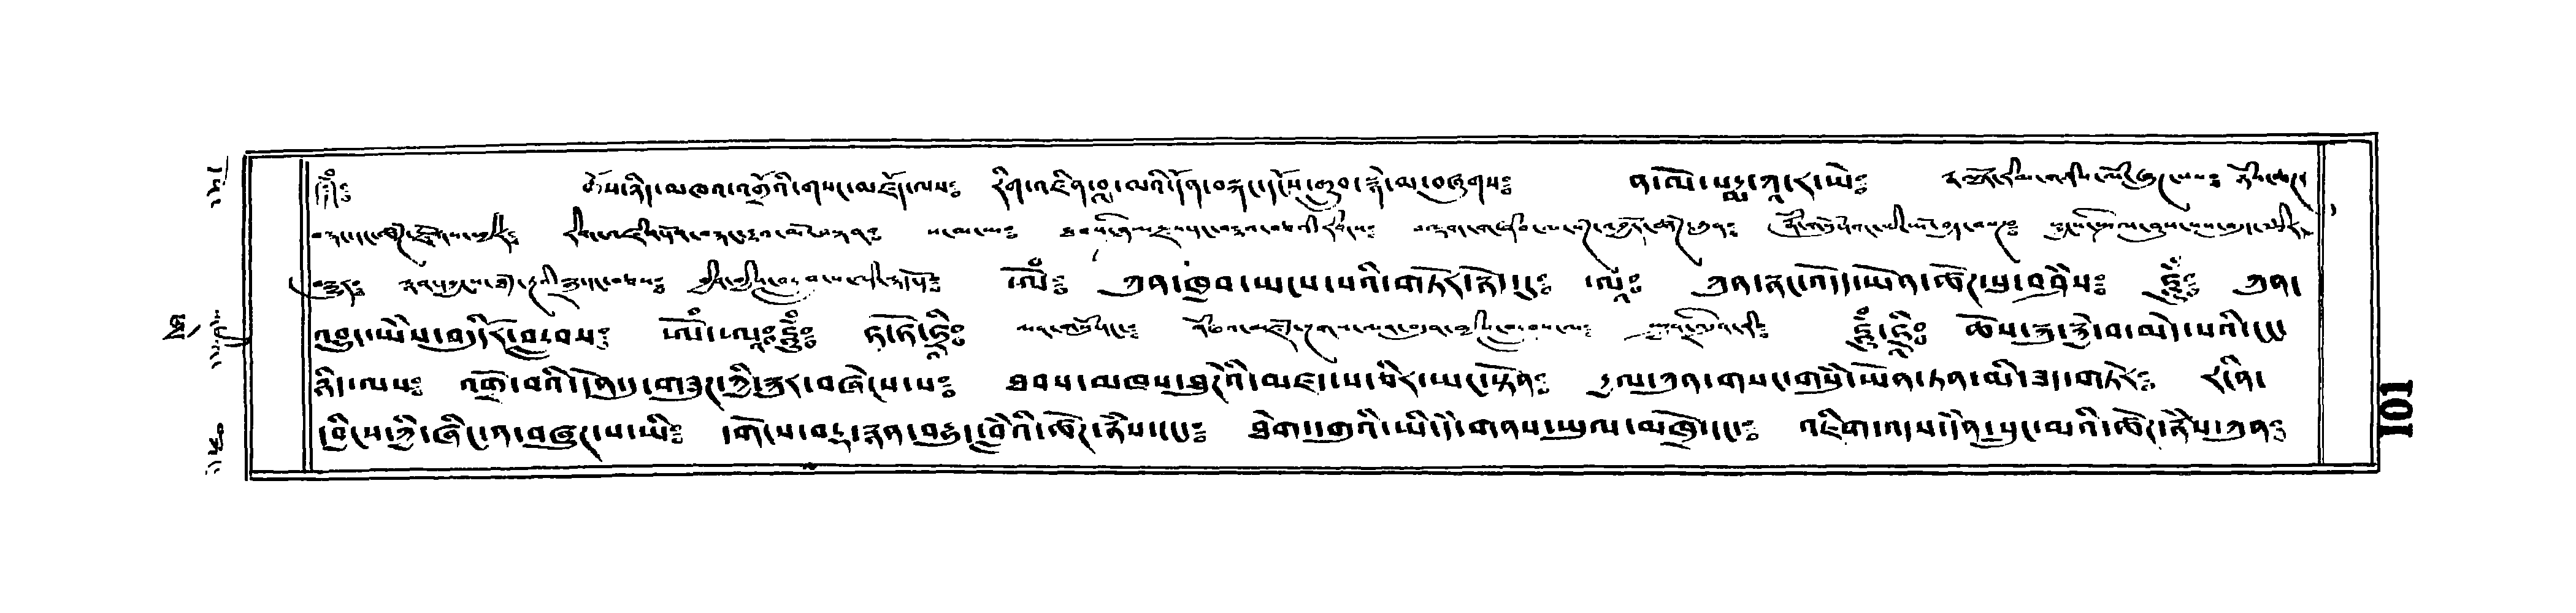ཆོས་ཉིད་མཁའ་འགྲོའི་གསང་མཛོད་ལས༔ རིག་འཛིན་བླ་མའི་དོན་བསྐང་དངོས་གྲུབ་སྙེ་མ་བཞུགས༔ ནོ་མོ་པདྨ་ཀཱ་ར་ཡེ༔ རྣལ་འབྱོར་རིམ་གཉིས་ལམ་ཞུགས་པས༔ ཉམས་ཆག་
བསྐང་དང་ཚོགས་རྫོགས་ཕྱིར༔ རིག་འཛིན་དོན་བསྐང་ཟབ་མོ་བསྟན༔ ས་མ་ཡ༔ ཐབས་ཤེས་རྫས་དང་བཟའ་བཅའི་རིགས༔ བལྡག་གཞིབ་ལ་སོགས་འབྱོར་ཚོགས་ཀུན༔ རྣམ་གསུམ་དག་པའི་ཡོ་བྱད་བསགས༔ སྦྱངས་སྤེལ་ནུས་པས་བདུད་རྩིར་
བསྒྱུར༔ སྙན་དབྱངས་ཐོད་རྔའི་སྒྲ་དང་བཅས༔ བྱིན་གྱིས་རློབ་པ་འདི་སྐད་དོ༔ ཨོཾ༔ ཀུན་ཁྱབ་ཡངས་པའི་གཏོར་སྣོད་དུ༔ ཨཱཿ ཀུན་སྣང་འདོད་ཡོན་ཚོགས་སུ་བཤམས༔ ཧཱུྃ༔ ཀུན་
འབྱུང་ཡེ་ཤེས་བདུད་རྩིར་བརླབས༔ ཨོཾ་ཨཱཿཧཱུྃ༔ ཧ་ཧོ་ཧྲཱིཿ ལན་གསུམ་དང༔ ནམ་མཁའི་མཛོད་སྔགས་ལན་བདུན་གྱིས་བརླབས་ལ༔ སྤྱན་འདྲེན་ནི༔ ཧཱུྃ་ཧྲཱིཿ ཆོས་སྐུ་སྐྱེ་བ་མེད་པའི་ངང་
ཉིད་ལས༔ འགྲོ་བའི་དོན་དུ་གཟུགས་ཀྱི་སྐུར་བཞེངས་པ༔ ཐབས་མཁས་ཐུགས་རྗེའི་མཛད་པ་ཅིར་ཡང་སྟོན༔ རྒྱལ་ཀུན་གསང་གསུམ་ཡོན་ཏན་མི་ཟད་གཏེར༔ རང་བཞིན་
དབྱིངས་ཀྱི་ཞིང་ན་བཞུགས་པ་ཡི༔ དགོངས་བརྡ་སྙན་བརྒྱུད་བླ་མའི་ཚོགས་རྣམས་དང༔ ཐེག་དགུའི་ཡི་དམ་གནས་ཡུལ་མཁའ་འགྲོ་དང༔ འཇིག་འདས་དམ་ཅན་སྲུང་མའི་ཚོགས་རྣམས་ཀུན༔